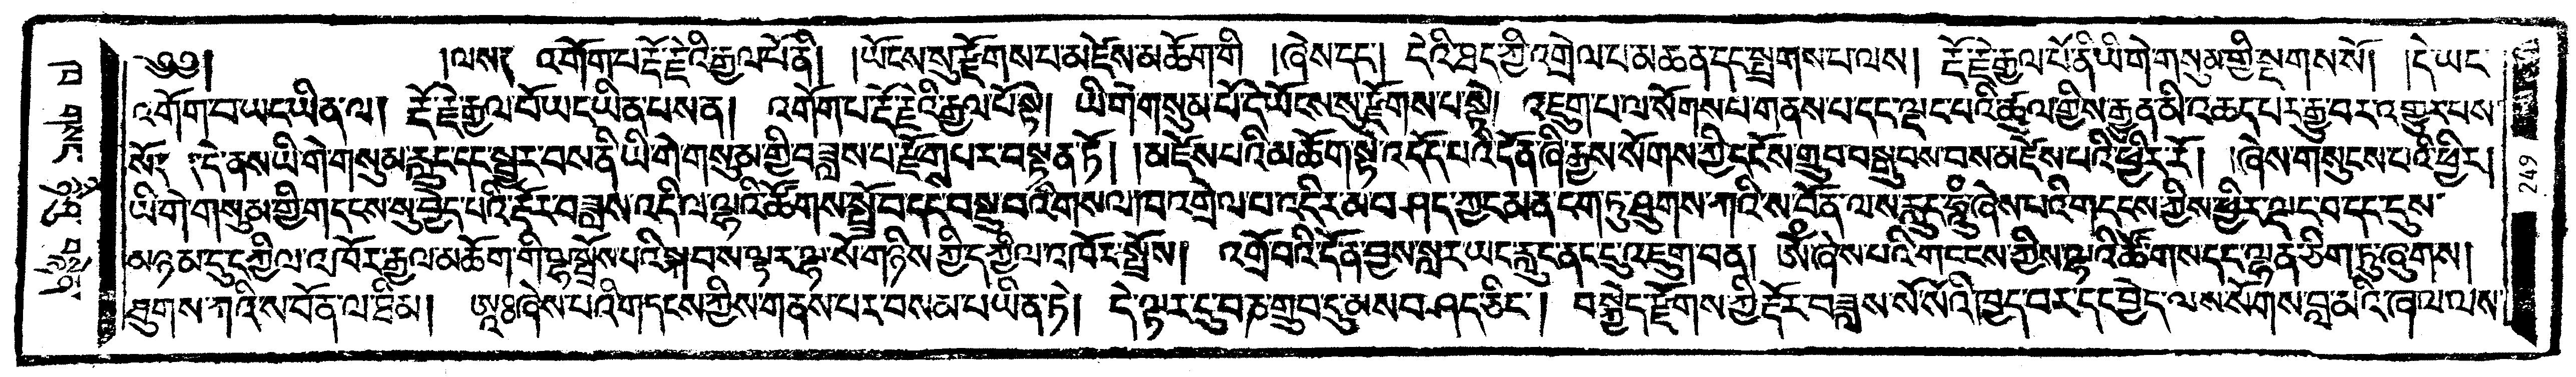༄༅། །ལས༑ འགོག་པ་རྡོ་རྗེའི་རྒྱལ་པོ་ནི། །ཡོངས་སུ་རྫོགས་པ་མཛེས་མཆོག་གི །ཞེས་དང་། དེའི་ཐད་ཀྱི་འགྲེལ་པ་མཆན་དང་སྤྲགས་པ་ལས། རྡོ་རྗེ་རྒྱལ་པོ་ནི་ཡི་གེ་གསུམ་གྱི་སྔགས་སོ། །དེ་ཡང་
འགོག་པ་ཡང་ཡིན་ལ། རྡོ་རྗེ་རྒྱལ་པོ་ཡང་ཡིན་པས་ན། འགོག་པ་རྡོ་རྗེའི་རྒྱལ་པོ་སྟེ། ཡི་གེ་གསུམ་པོ་དེ་ཡོངས་སུ་རྫོགས་པ་སྟེ། འཇུག་པ་ལ་སོགས་པ་གནས་པ་དང་ལྡང་པའི་ཚུལ་གྱིས་རྒྱུན་མི་འཆད་པར་རྒྱུ་བར་འགྱུར་པས་
སོ༑ ༑དེ་ནས་ཡི་གེ་གསུམ་རླུང་དང་སྦྱར་བས་ནི་ཡི་གེ་གསུམ་གྱི་བཟླས་པ་རྫོགས་པར་བསྟན་ཏོ། །མཛེས་པའི་མཆོག་སྟེ་འདོད་པའི་འདོན་ཞི་རྒྱས་སོགས་ཀྱི་དངོས་གྲུབ་བསྒྲུབས་བས་མཛེས་པའི་ཕྱིར་རོ། །ཞེས་གསུངས་པའི་ཕྱིར།
ཡི་གེ་གསུམ་གྱི་གདངས་སུ་བྱེད་པའི་རྡོར་བཟླས་འདི་ལ་ལྷའི་ཚོགས་སྤྲོ་བ་དང་བསྡུ་བའི་གསལ་ཁ་འགྲེལ་པ་འདིར་མ་བཤད་ཀྱང་མན་ངག་ཏུ་ཐུགས་ཀའི་ས་བོན་ལས་རླུང་ཧཱུཾ་ཞེས་པའི་གདངས་ཀྱིས་ཕྱིར་ལྡང་བ་དང་དུས་
མཉམ་དུ་དཀྱིལ་འཁོར་རྒྱལ་མཆོག་གི་ལྷ་སྤྲོས་པའི་སྐབས་ལྟར་ལྷ་སོ་གཉིས་ཀྱི་དཀྱིལ་འཁོར་སྤྲོས། འགྲོ་བའི་དོན་བྱས་སླར་ཡང་རླུང་ནང་དུ་འཇུག་བ་ན། ཨོཾ་ཞེས་པའི་གདངས་ཀྱིས་ལྷའི་ཚོགས་དང་ལྷན་ཅིག་ཏུ་ཞུགས།
ཐུགས་ཀའི་ས་བོན་ལ་ཐིམ། ཨཱཿཞེས་པའི་གདངས་ཀྱིས་གནས་པར་བསམ་པ་ཡིན་ཏེ། དེ་ལྟར་དུ་པཎ་གྲུབ་དུ་མས་བཤད་ཅིང་། བསྐྱེད་རྫོགས་ཀྱི་རྡོར་བཟླས་སོ་སོའི་ཁྱད་པར་དང་བྱེད་ལས་སོགས་བླ་མའི་ཞལ་ལས་